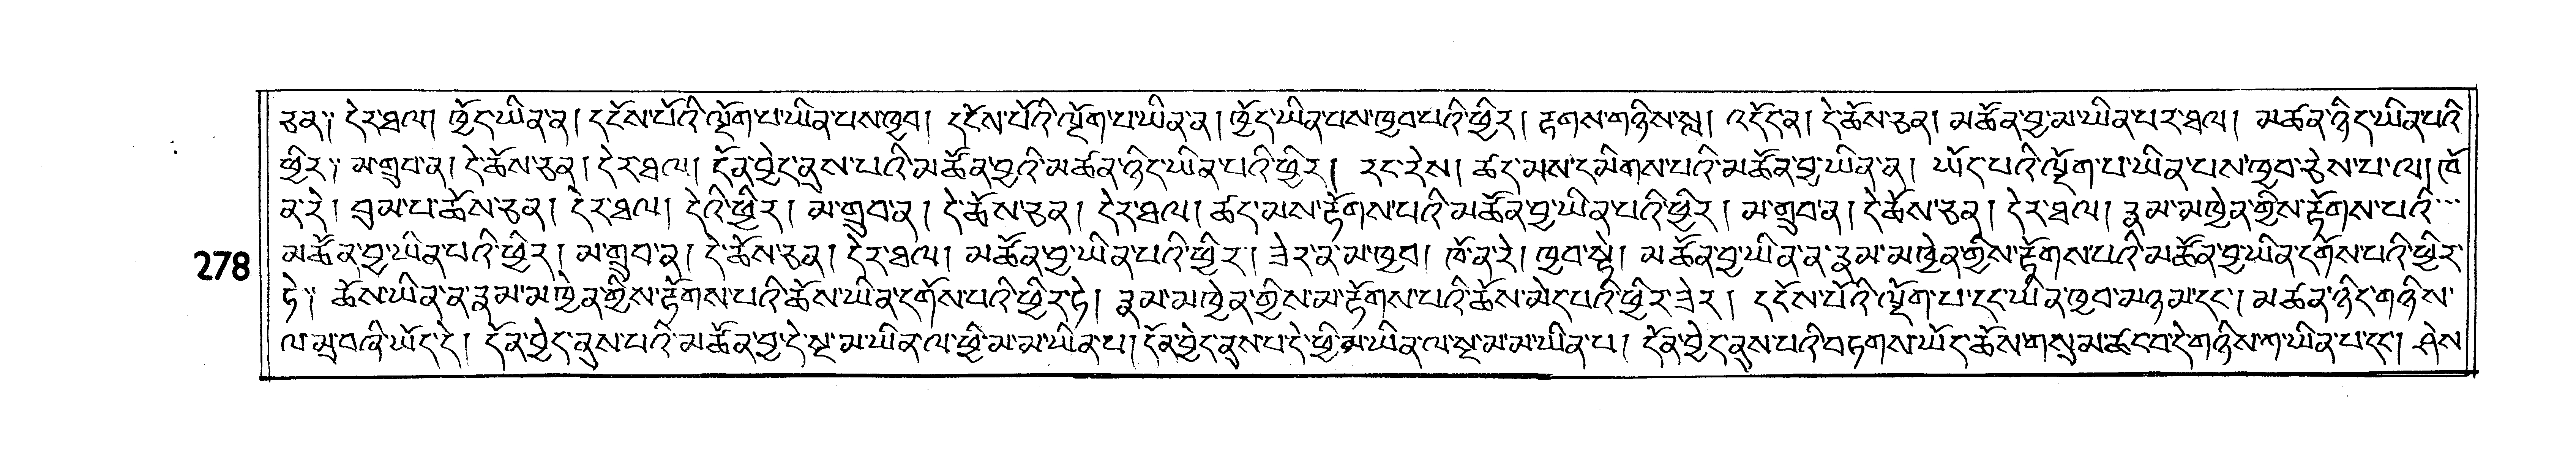ཅན༑ དེར་ཐལ། ཁྱོད་ཡིན་ན། དངོས་པོའི་ལྡོག་པ་ཡིན་པས་ཁྱབ། དངོས་པོའི་ལྡོག་པ་ཡིན་ན། ཁྱོད་ཡིན་པས་ཁྱབ་པའི་ཕྱིར། རྟགས་གཉིས་སླ། འདོད་ན། དེ་ཆོས་ཅན། མཚོན་བྱ་མ་ཡིན་པར་ཐལ། མཚན་ཉིད་ཡིན་པའི་
ཕྱིར༑ མ་གྲུབ་ན། དེ་ཆོས་ཅན། དེར་ཐལ། དོན་བྱེད་ནུས་པའི་མཚོན་བྱའི་མཚན་ཉིད་ཡིན་པའི་ཕྱིར། རང་རེས། ཚད་མས་དམིགས་པའི་མཚོན་བྱ་ཡིན་ན། ཡོད་པའི་ལྡོག་པ་ཡིན་པས་ཁྱབ་ཅེས་པ་ལ། ཁོ་
ན་རེ། བུམ་པ་ཆོས་ཅན། དེར་ཐལ། དེའི་ཕྱིར། མ་གྲུབ་ན། དེ་ཆོས་ཅན། དེར་ཐལ། ཚད་མས་རྟོགས་པའི་མཚོན་བྱ་ཡིན་པའི་ཕྱིར། མ་གྲུབ་ན། དེ་ཆོས་ཅན། དེར་ཐལ། རྣམ་མཁྱེན་གྱིས་རྟོགས་པའི་
མཚོན་བྱ་ཡིན་པའི་ཕྱིར། མ་གྲུབ་ན། དེ་ཆོས་ཅན། དེར་ཐལ། མཚོན་བྱ་ཡིན་པའི་ཕྱིར། ཟེར་ན་མ་ཁྱབ། ཁོ་ན་རེ། ཁྱབ་སྟེ། མཚོན་བྱ་ཡིན་ན་རྣམ་མཁྱེན་གྱིས་རྟོགས་པའི་མཚོན་བྱ་ཡིན་དགོས་པའི་ཕྱིར་
ཏེ༑ ཆོས་ཡིན་ན་རྣམ་མཁྱེན་གྱིས་རྟོགས་པའི་ཆོས་ཡིན་དགོས་པའི་ཕྱིར་ཏེ། རྣམ་མཁྱེན་གྱིས་མ་རྟོགས་པའི་ཆོས་མེད་པའི་ཕྱིར་ཟེར། དངོས་པོའི་ལྡོག་པ་དང་ཡིན་ཁྱབ་མཉམ་དང་། མཚན་ཉིད་གཉིས་
ལ་མྲ་བཞི་ཡོད་དེ། དོན་བྱེད་ནུས་པའི་མཚོན་བྱ་དེ་སྔ་མ་ཡིན་ལ་ཕྱི་མ་མ་ཡིན་པ། དོན་བྱེད་ནུས་པ་དེ་ཕྱི་མ་ཡིན་ལ་སྔ་མ་མ་ཡིན་པ། དོན་བྱེད་ནུས་པའི་བཏགས་ཡོད་ཆོས་གསུམ་ཚང་བ་དེ་གཉིས་ཀ་ཡིན་པ་དང་། ཤེས་